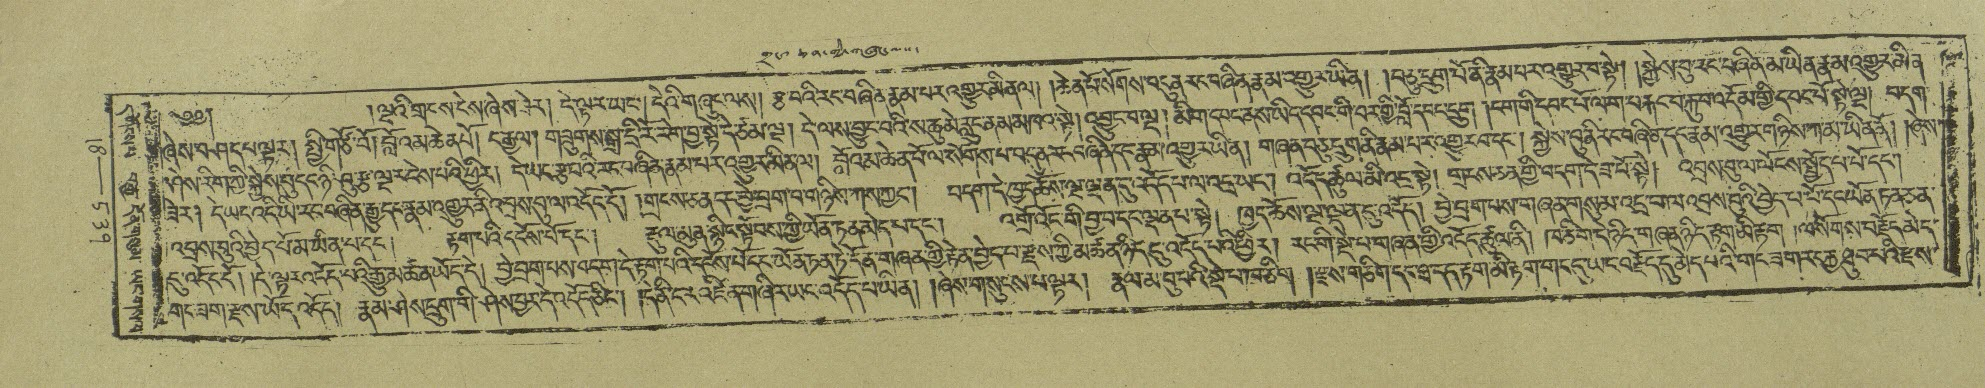༄༅། །ལྔའི་གྲངས་ངེས་ཞེས་ཟེར། དེ་ལྟར་ཡང་། དེའི་གཞུང་ལས། རྩ་བའི་རང་བཞིན་རྣམ་པར་འགྱུར་མིན་ལ། །ཆེན་པོ་སོགས་བདུན་རང་བཞིན་རྣམ་འགྱུར་ཡིན། །བཅུ་དྲུག་པོ་ནི་རྣམ་པར་འགྱུར་བ་སྟེ། །སྐྱེས་བུ་རང་བཞིན་མ་ཡིན་རྣམ་འགྱུར་ཡིན།
ཞེས་བཤད་པ་ལྟར། སྤྱི་གཙོ་བོ། བློ་འམ་ཆེན་པོ། ང་རྒྱལ། གཟུགས་སྒྲ་དྲི་རོ་རེག་བྱ་སྟེ་དེ་ཙམ་ལྔ། དེ་ལས་བྱུང་བའི་ས་ཆུ་མེ་རླུང་ནམ་མཁའ་སྟེ། འབྱུང་བ་ལྔ། མིག་དབང་ནས་ཡིད་དབང་གི་པར་གྱི་བློ་དབང་དྲུག །ངག་གི་དབང་པོ་ལག་པ་རྐང་པ་རྐུབ་འདོམ་གྱི་དབང་པོ་སྟེ་ལྔ། བདག་
ཤེས་རིག་ཀྱི་སྐྱེས་བུ་དང་ཉི་ཤུ་རྩ་ལྔར་ངེས་པའི་ཕྱིར། དེ་ཡང་རྩ་བའི་རང་བཞིན་རྣམ་པར་འགྱུར་མིན་ལ། བློའམ་ཆེན་པོ་ལ་སོགས་པ་བདུན་རང་བཞིན་དང་རྣམ་འགྱུར་ཡིན། གཞན་བཅུ་དྲུག་ནི་རྣམ་པར་འགྱུར་བ་དང་། སྐྱེས་བུ་ནི་རང་བཞིན་དང་རྣམ་འགྱུར་གཉིས་ཀ་མ་ཡིན་ནོ། །ཞེས་
ཟེར། དེ་ཡང་འདི་ཡི་རང་བཞིན་རྒྱུ་དང་རྣམ་འགྱུར་ནི་འབྲས་བུ་ལ་འདོད་དོ། །གྲངས་ཅན་དང་བྱེ་བྲག་པ་གཉིས་ཀས་ཀྱང་། བདག་དེ་ཁྱད་ཆོས་ལྔ་ལྡན་དུ་འདོད་པ་ལ་འདྲ་ཡང་། འདོད་ཚུལ་མི་འདྲ་སྟེ། གྲངས་ཅན་གྱི་བདག་དེ་ཟ་པོ་སྟེ། འབྲས་བུ་ལ་ལོངས་སྤྱོད་པ་པོ་དང་།
འབྲས་བུའི་བྱེད་པོ་མ་ཡིན་པ་དང་། རྟག་པའི་དངོས་པོ་དང་། རྡུལ་མུན་སྙིང་སྟོབས་ཀྱི་ཡོན་ཏན་མེད་པ་དང་། འགྲོ་འོང་གི་བྱ་བ་དང་ལྡན་པ་སྟེ། ཁྱད་ཆོས་ལྔ་ལྡན་དུ་འདོད། བྱེ་བྲག་པས་གཞན་གསུམ་འདྲ་བ་ལ་འབྲས་བུའི་བྱེད་པ་པོ་དང་ཡོན་ཏན་ཅན་
དུ་འདོད་དོ། །དེ་ལྟར་འདོད་པའི་རྒྱུ་མཚན་ཡོད་དེ། བྱེ་བྲག་པས་བདག་དེ་རྟག་པའི་དངོས་པོ་དང་ཡོན་ཏན་ཏེ་དོན་གཞན་གྱི་རྟེན་བྱེད་པ་རྫས་ཀྱི་མཚན་ཉིད་དུ་འདོད་པའི་ཕྱིར། རང་གི་སྡེ་པ་གཞན་གྱི་འདོད་ཚུལ་ནི། ཁ་ཅིག་དེ་ཉིད་གཞན་ཉིད་རྟག་མི་རྟག །ལ་སོགས་བརྗོད་མེད་
གང་ཟག་རྫས་ཡོད་འདོད། རྣམ་ཤེས་དྲུག་གི་ཤེས་བྱར་དེ་འདོད་ཅིང་། །དེ་ནི་ངར་འཛིན་གཞིར་ཡང་འདོད་པ་ཡིན། །ཞེས་གསུངས་པ་ལྟར། རྣལ་མ་བུ་པའི་སྡེ་པ་ཁ་ཅིག །རྫས་གཅིག་དང་ཐ་དད་རྟག་མི་རྟག་གང་དུ་ཡང་བརྗོད་དུ་མེད་པའི་གང་ཟག་རང་རྐྱ་ཐུབ་པའི་རྫས་